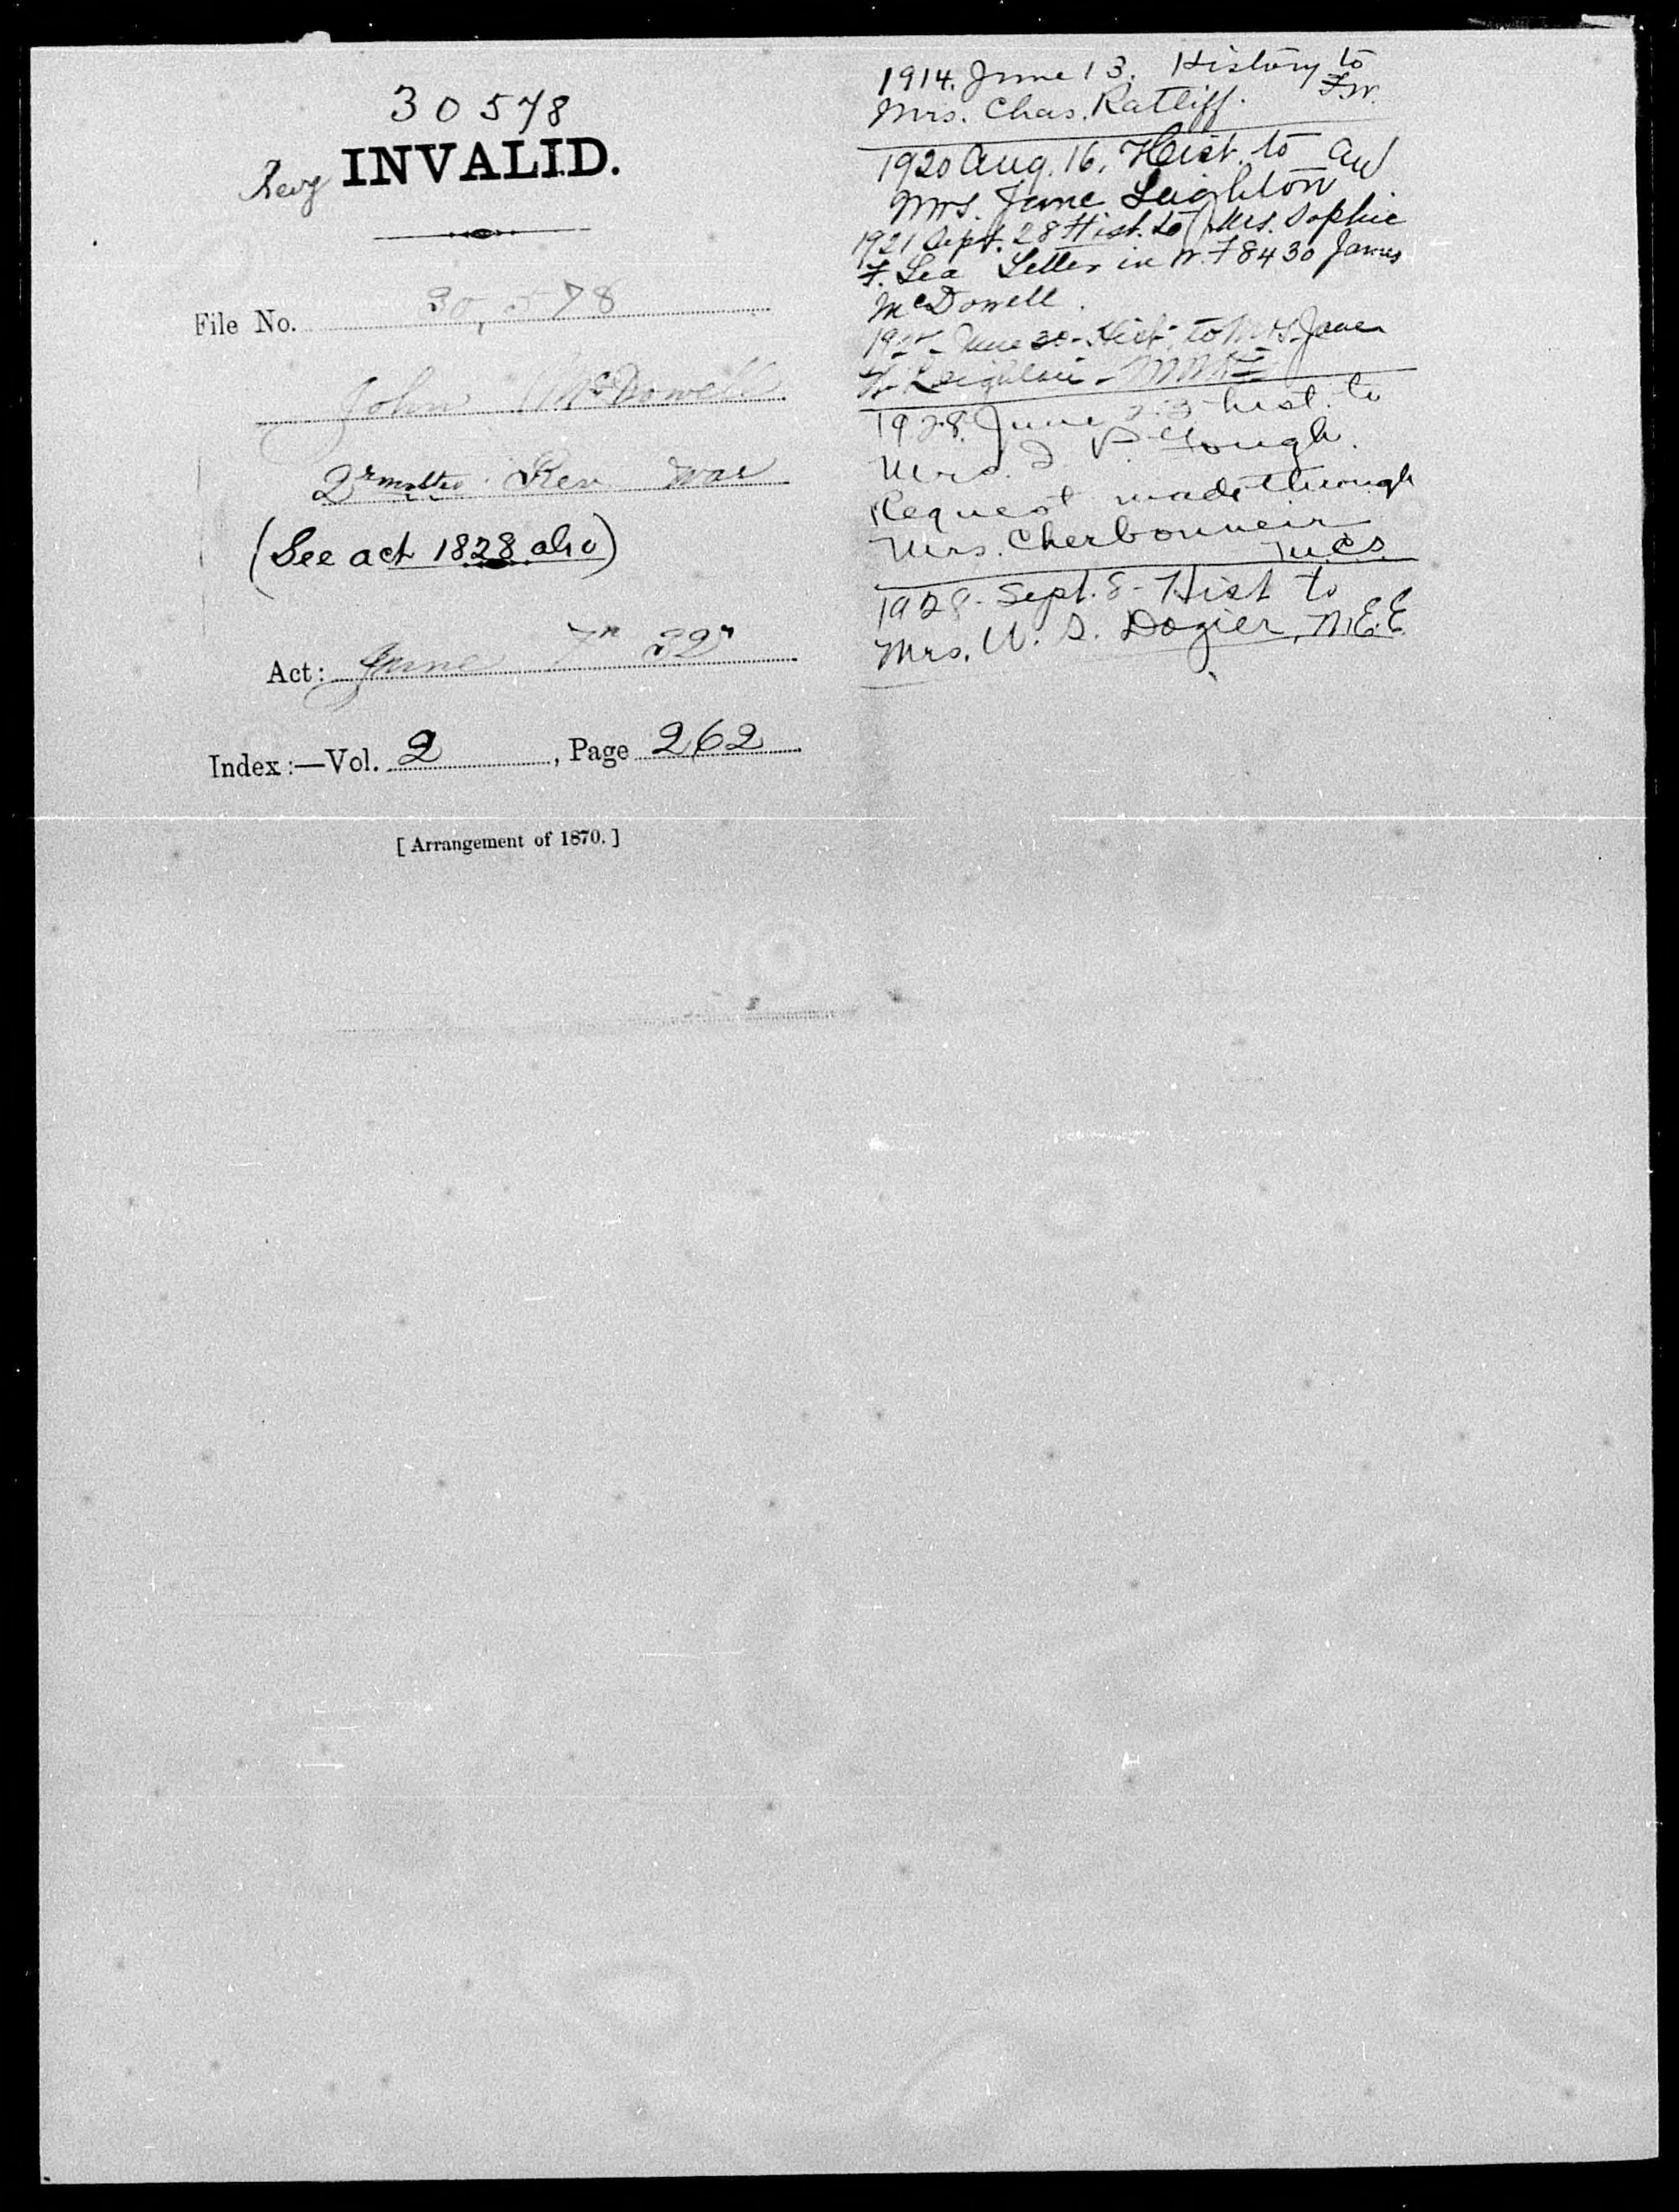30578
Revy INVALID.
File No. 30,578
John McDowell
Qrmster. Rev War
(See act 1828 also)
Act: June 7" 32"
Index:-Vol. 2, Page 262
[Arrangement of 1870.]

1914, June 13. History to Mrs. Chas. Ratliff.
1920 Aug. 16, Hist. to Mrs. Jane Leighton AW
1921 Sept. 28 Hist. to Mrs. Sophie F. Lea Letter in W.F 8430 James McDowell.
1927 - June 30 - Hist. to Mrs. Jane H Leighton - MMHF
1928 June 23 - hist. to Mrs. J. P. Fough.
Request made through Mrs. Cherbounier M.C.S.
1928 - Sept. 8 - Hist to Mrs. W. D> Dozier, M.E.E.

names: Sophie F Lea; Jane Leighton; Chas Ratliff; W D Dozier; John Mc Dowell; James Mc Dowell; J P Fough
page: 14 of 47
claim: survivor's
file: S. 30578, for John Mc Dowell, Virginia